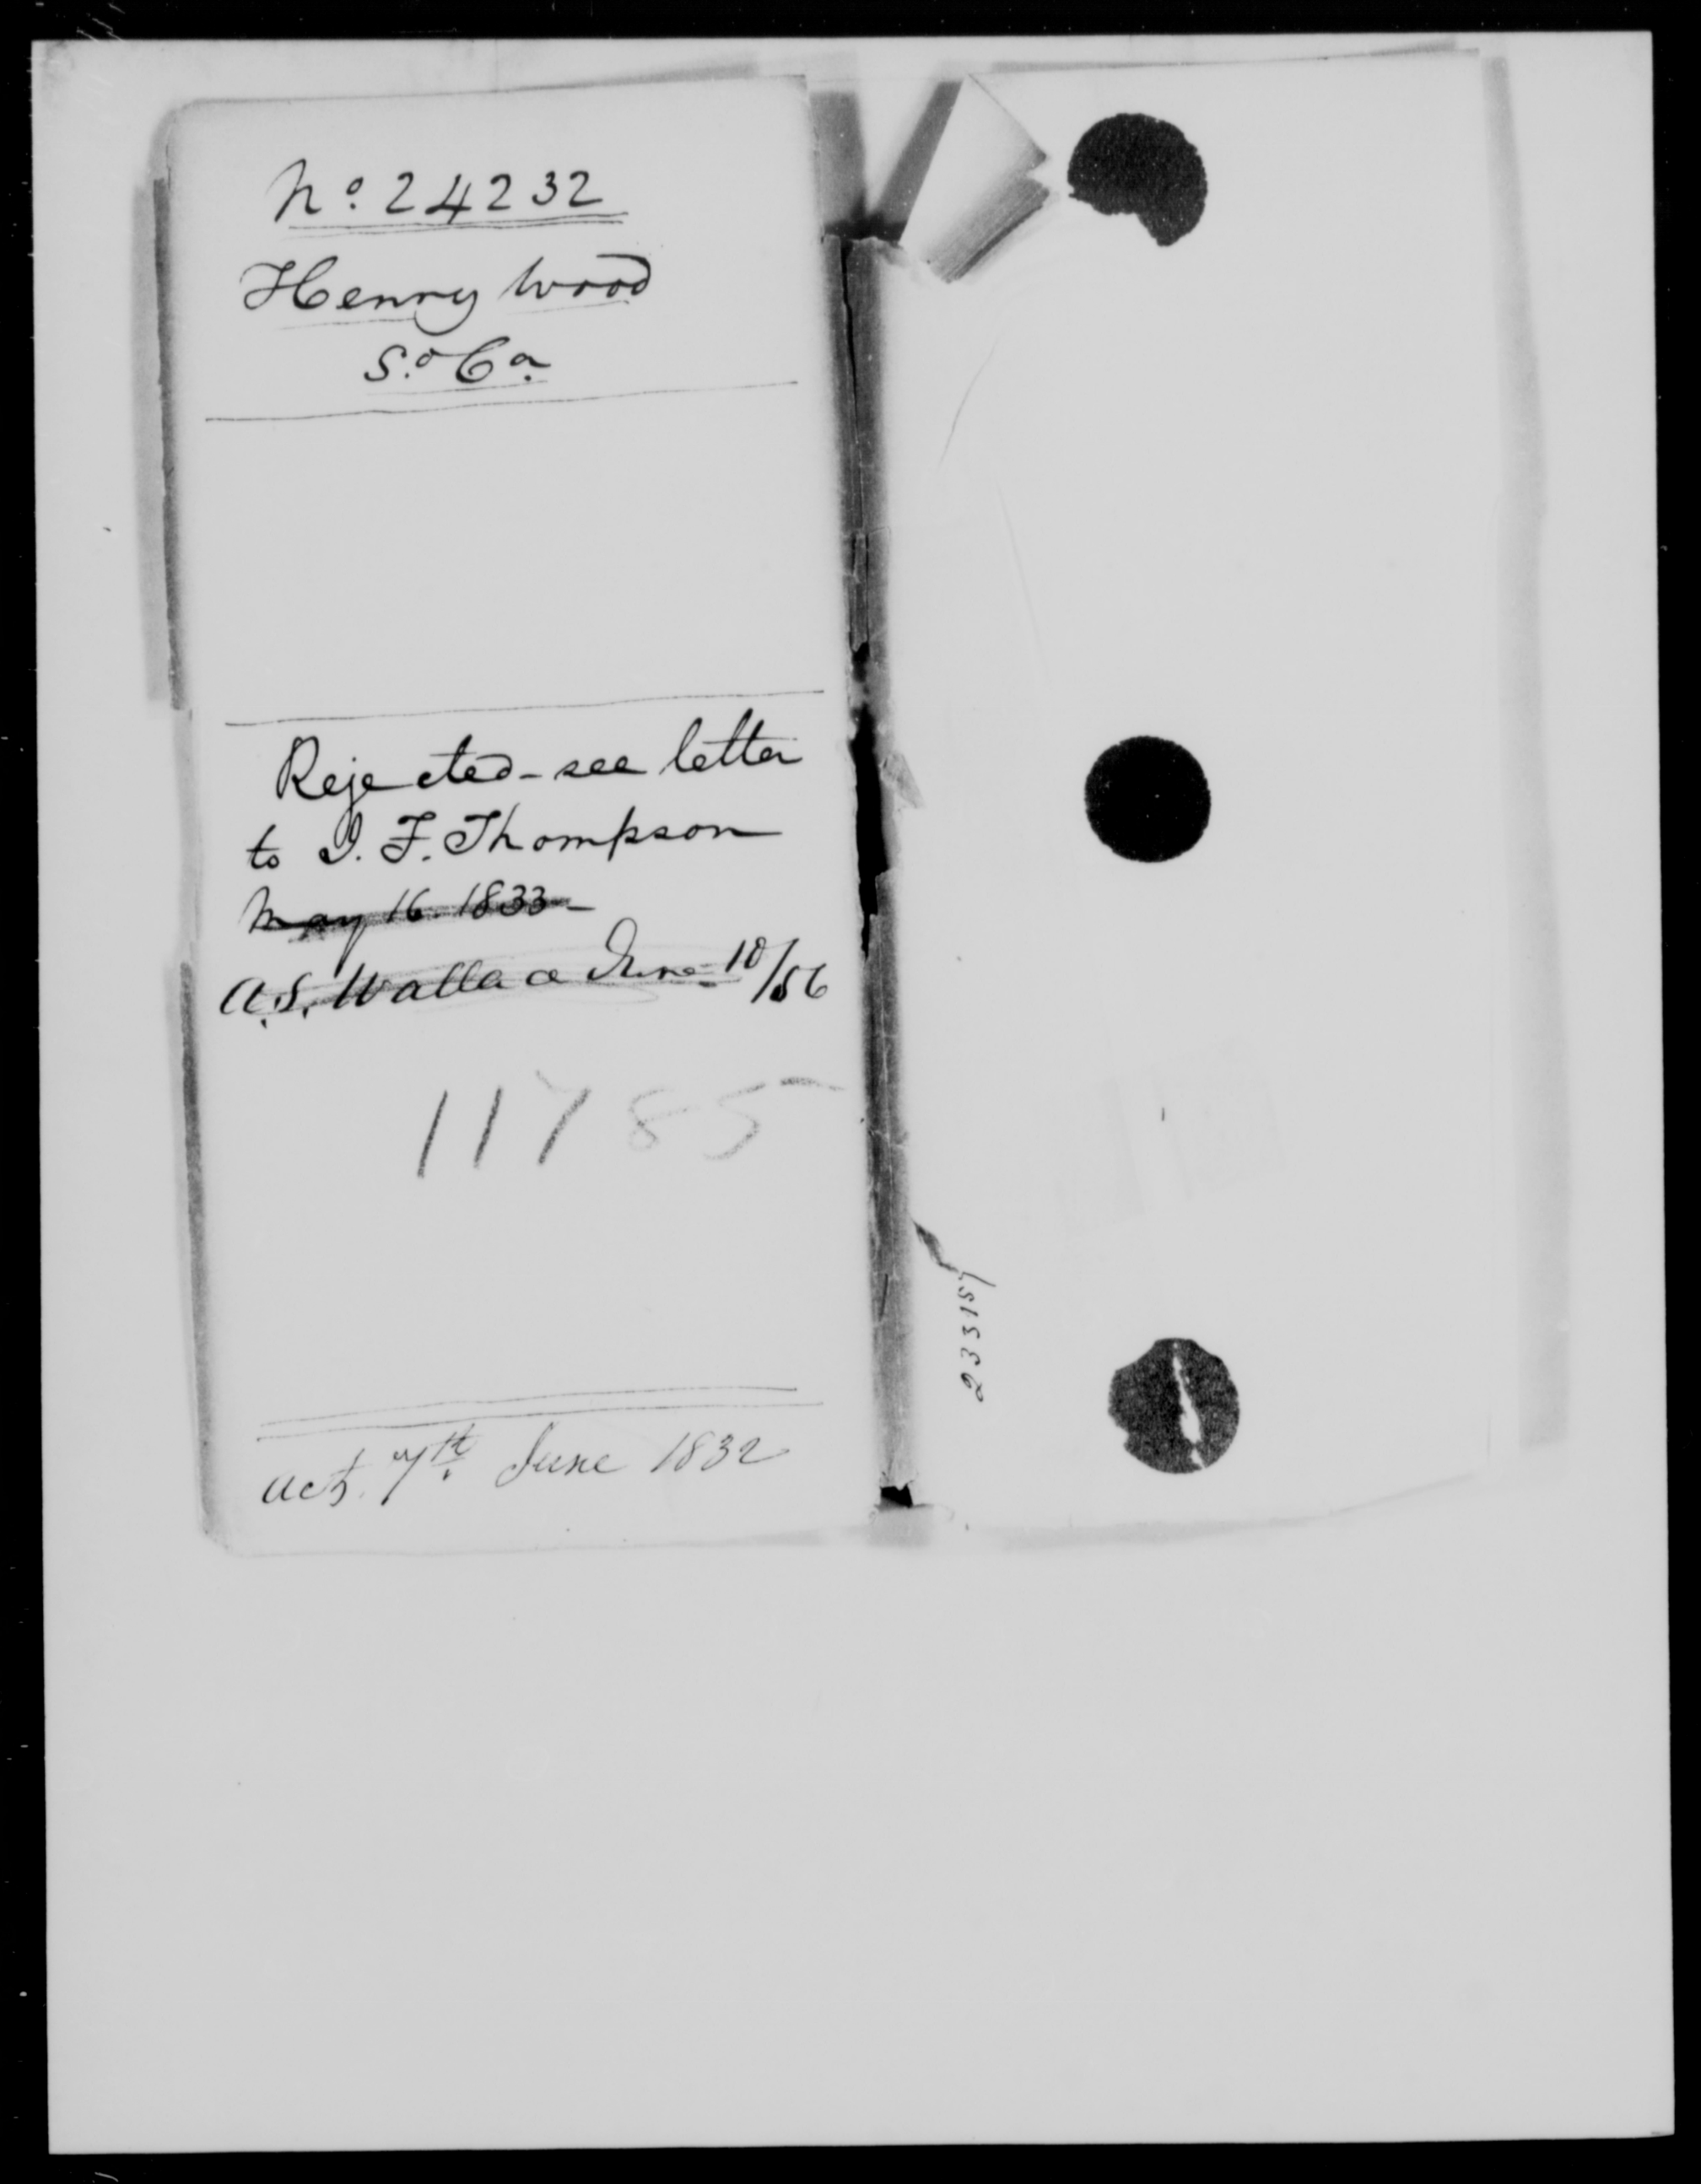No. 24232
Henry Wood
So.Ca.
Rejected - see letter to J. F. Thompson May 16 1833 A.S. Wallace June 10/56
11785
Act 7th June 1832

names: J F Thompson, A S Wallace, Henry Wood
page: 21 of 40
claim: rejected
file: R. 11785, Henry Wood, N. C.